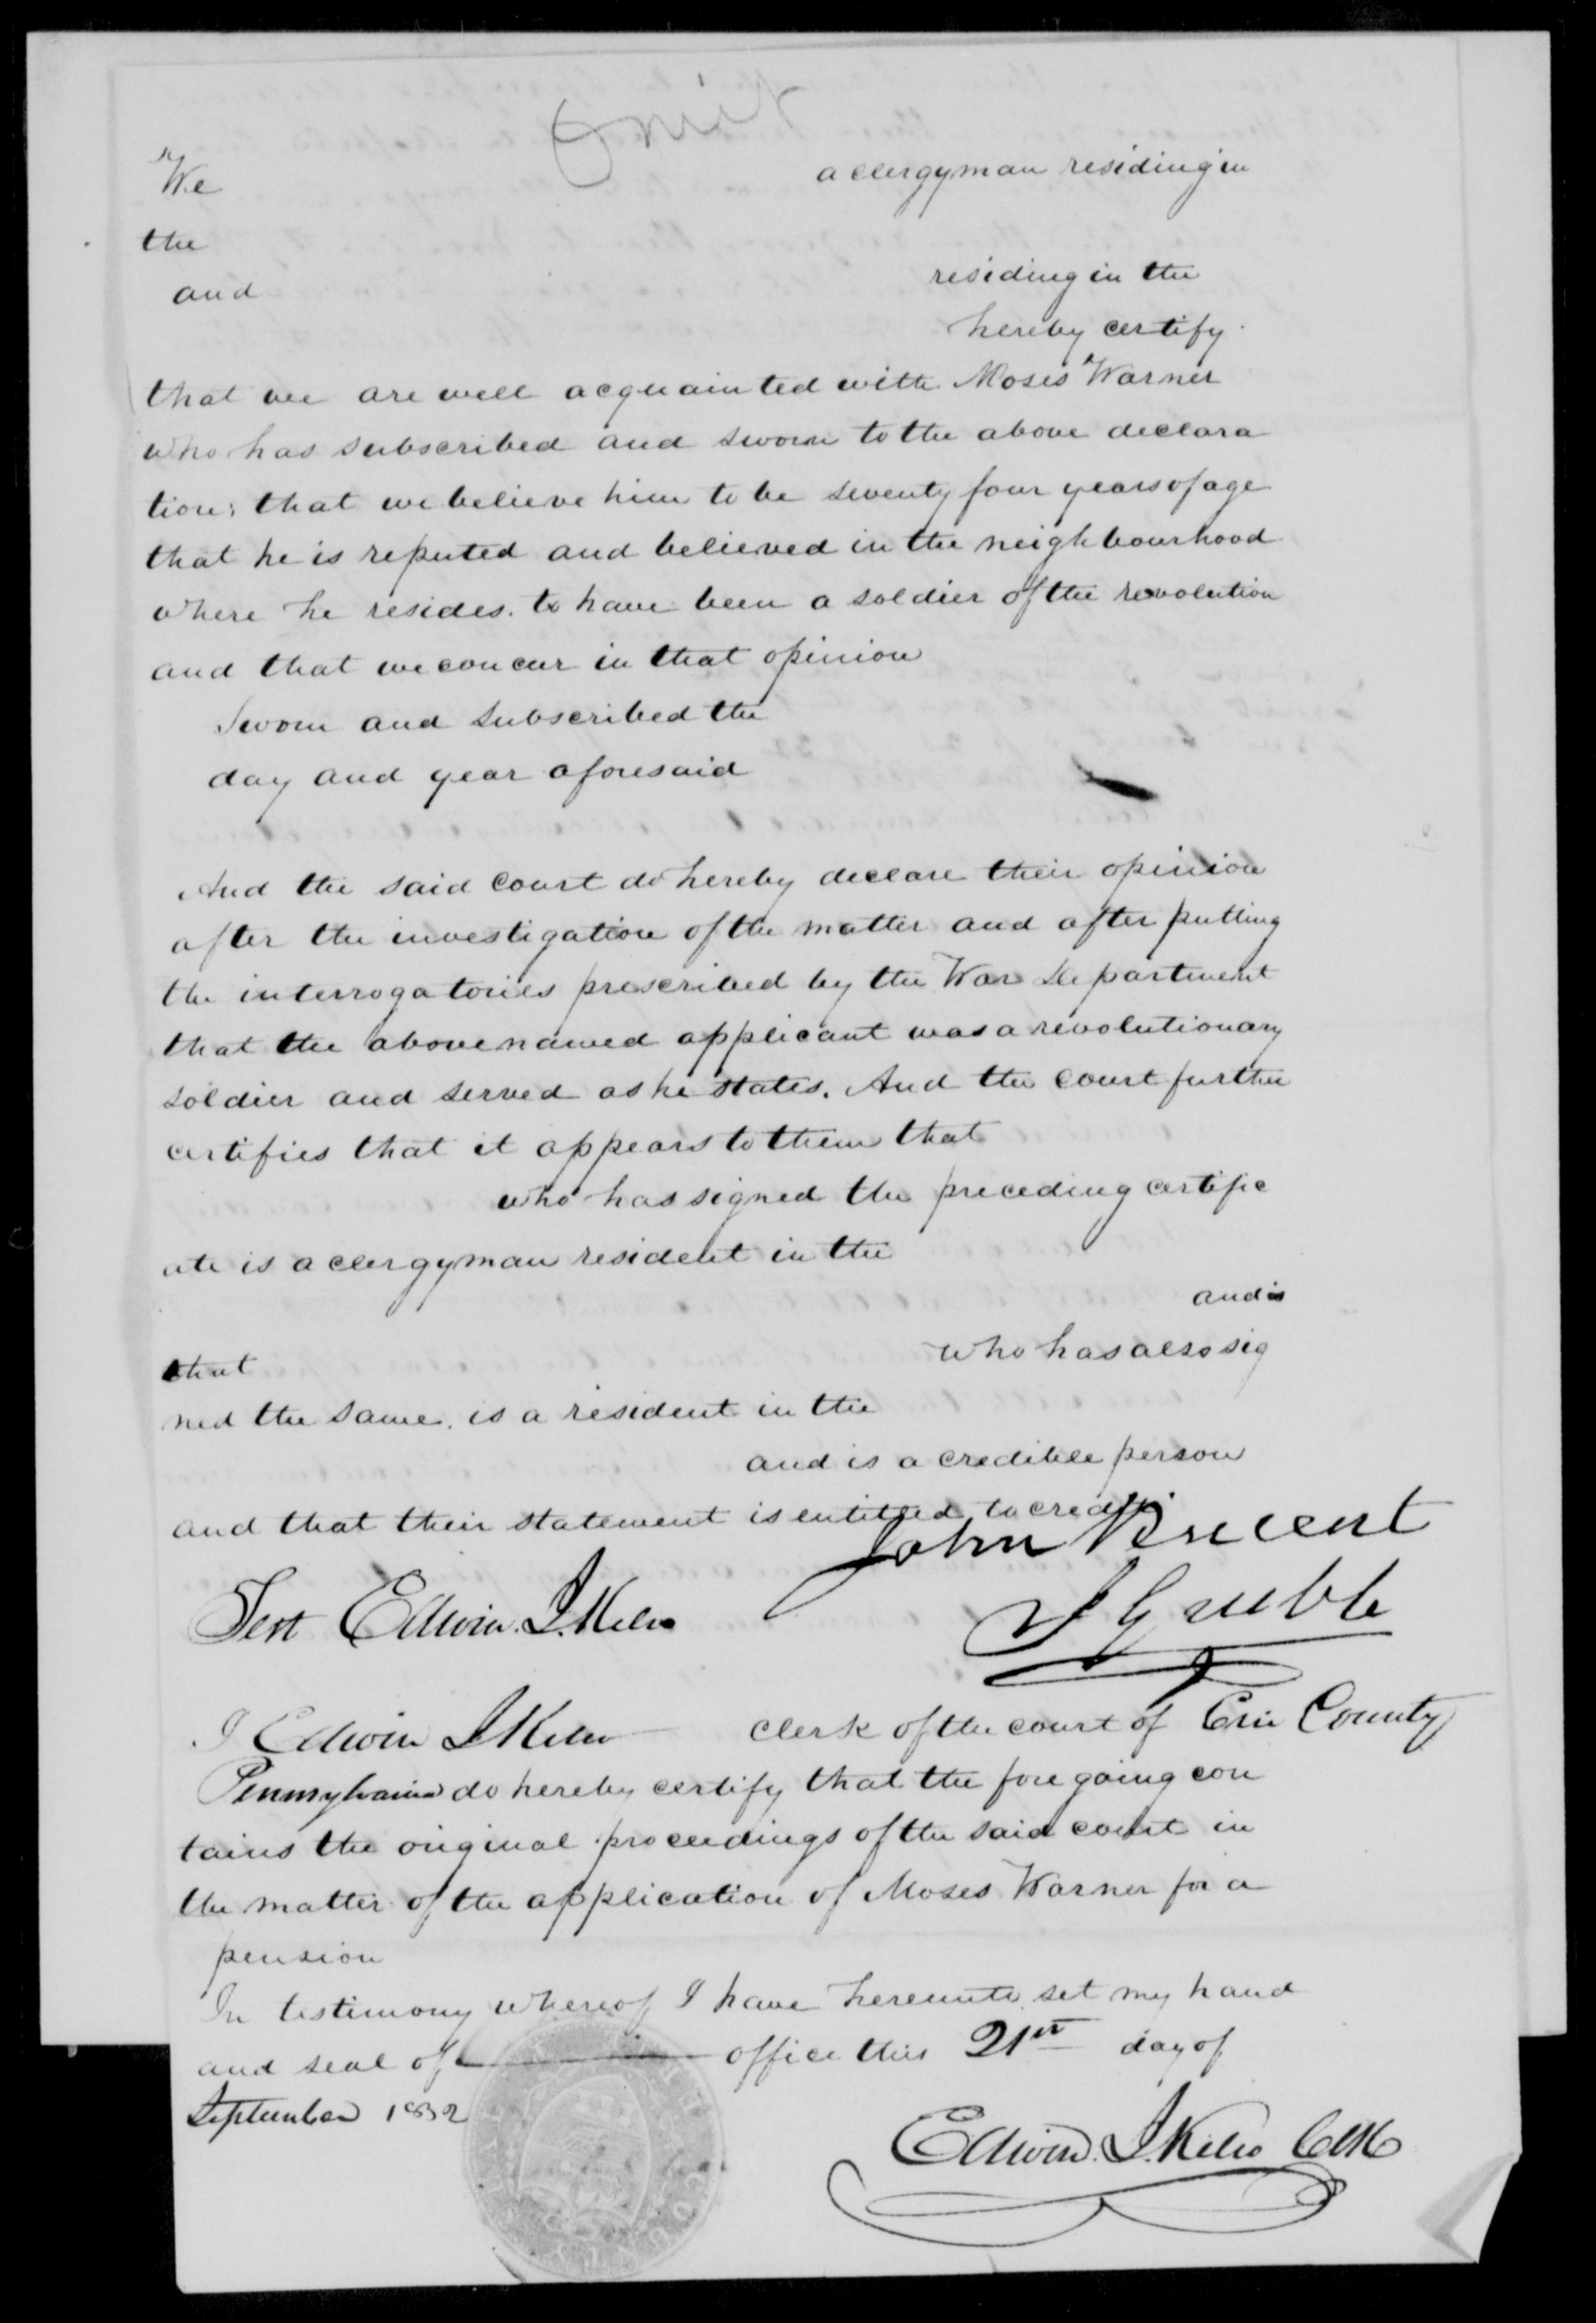Omit
We---------------a clergyman residing in
the------------
and------------------residing in the
------------------------hereby certify
that we are well acquainted with Moses Warner
who has subscribed and sworn to the above declara-
tion; that we believe him to be seventy four years of age
that he is reputed and believed in the neighbourhood 
where he resides to have been a soldier of the revolution
and that we concur in that opinion---------
Sworn and subscribed the--------------
day and year aforesaid-------------------
----------------------------------------------
And the said court do hereby declare their opinion
after the investigation of the matter and after putting
the interrogatories prescribed by the War Department
that the above named applicant was a revolutionary 
soldier and served as he states. And the court further
certifies that it appears to them that-------------
--------------who has signed the preceding certific
ate is a clergyman resident in the-------------
----------------------------and is a credible person
and that their statement is entitled to credit.
John Vincent    J Grubb
Clk Edwin J Keler
I Edwin J Keler clerk of the court of Erie County
Pennsylvania do hereby certify that the foregoing con
tains the original proceedings of the said court in
the matter of the application of Moses Warner for a 
pension---------------------------------
In testimony whereof I have hereunto to set my hand
and seal of----------------office this 21st day of 
September 1832
{County Seal of Erie PA}
Edwin J. Keler Clk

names: Edwin J Keler, Edwin J Keler, John Vincent, J Grubb, Moses Warner, Moses Warner, Edwin J Keler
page: 14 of 40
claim: widow's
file: W. 3742, Moses Warner, Conn.